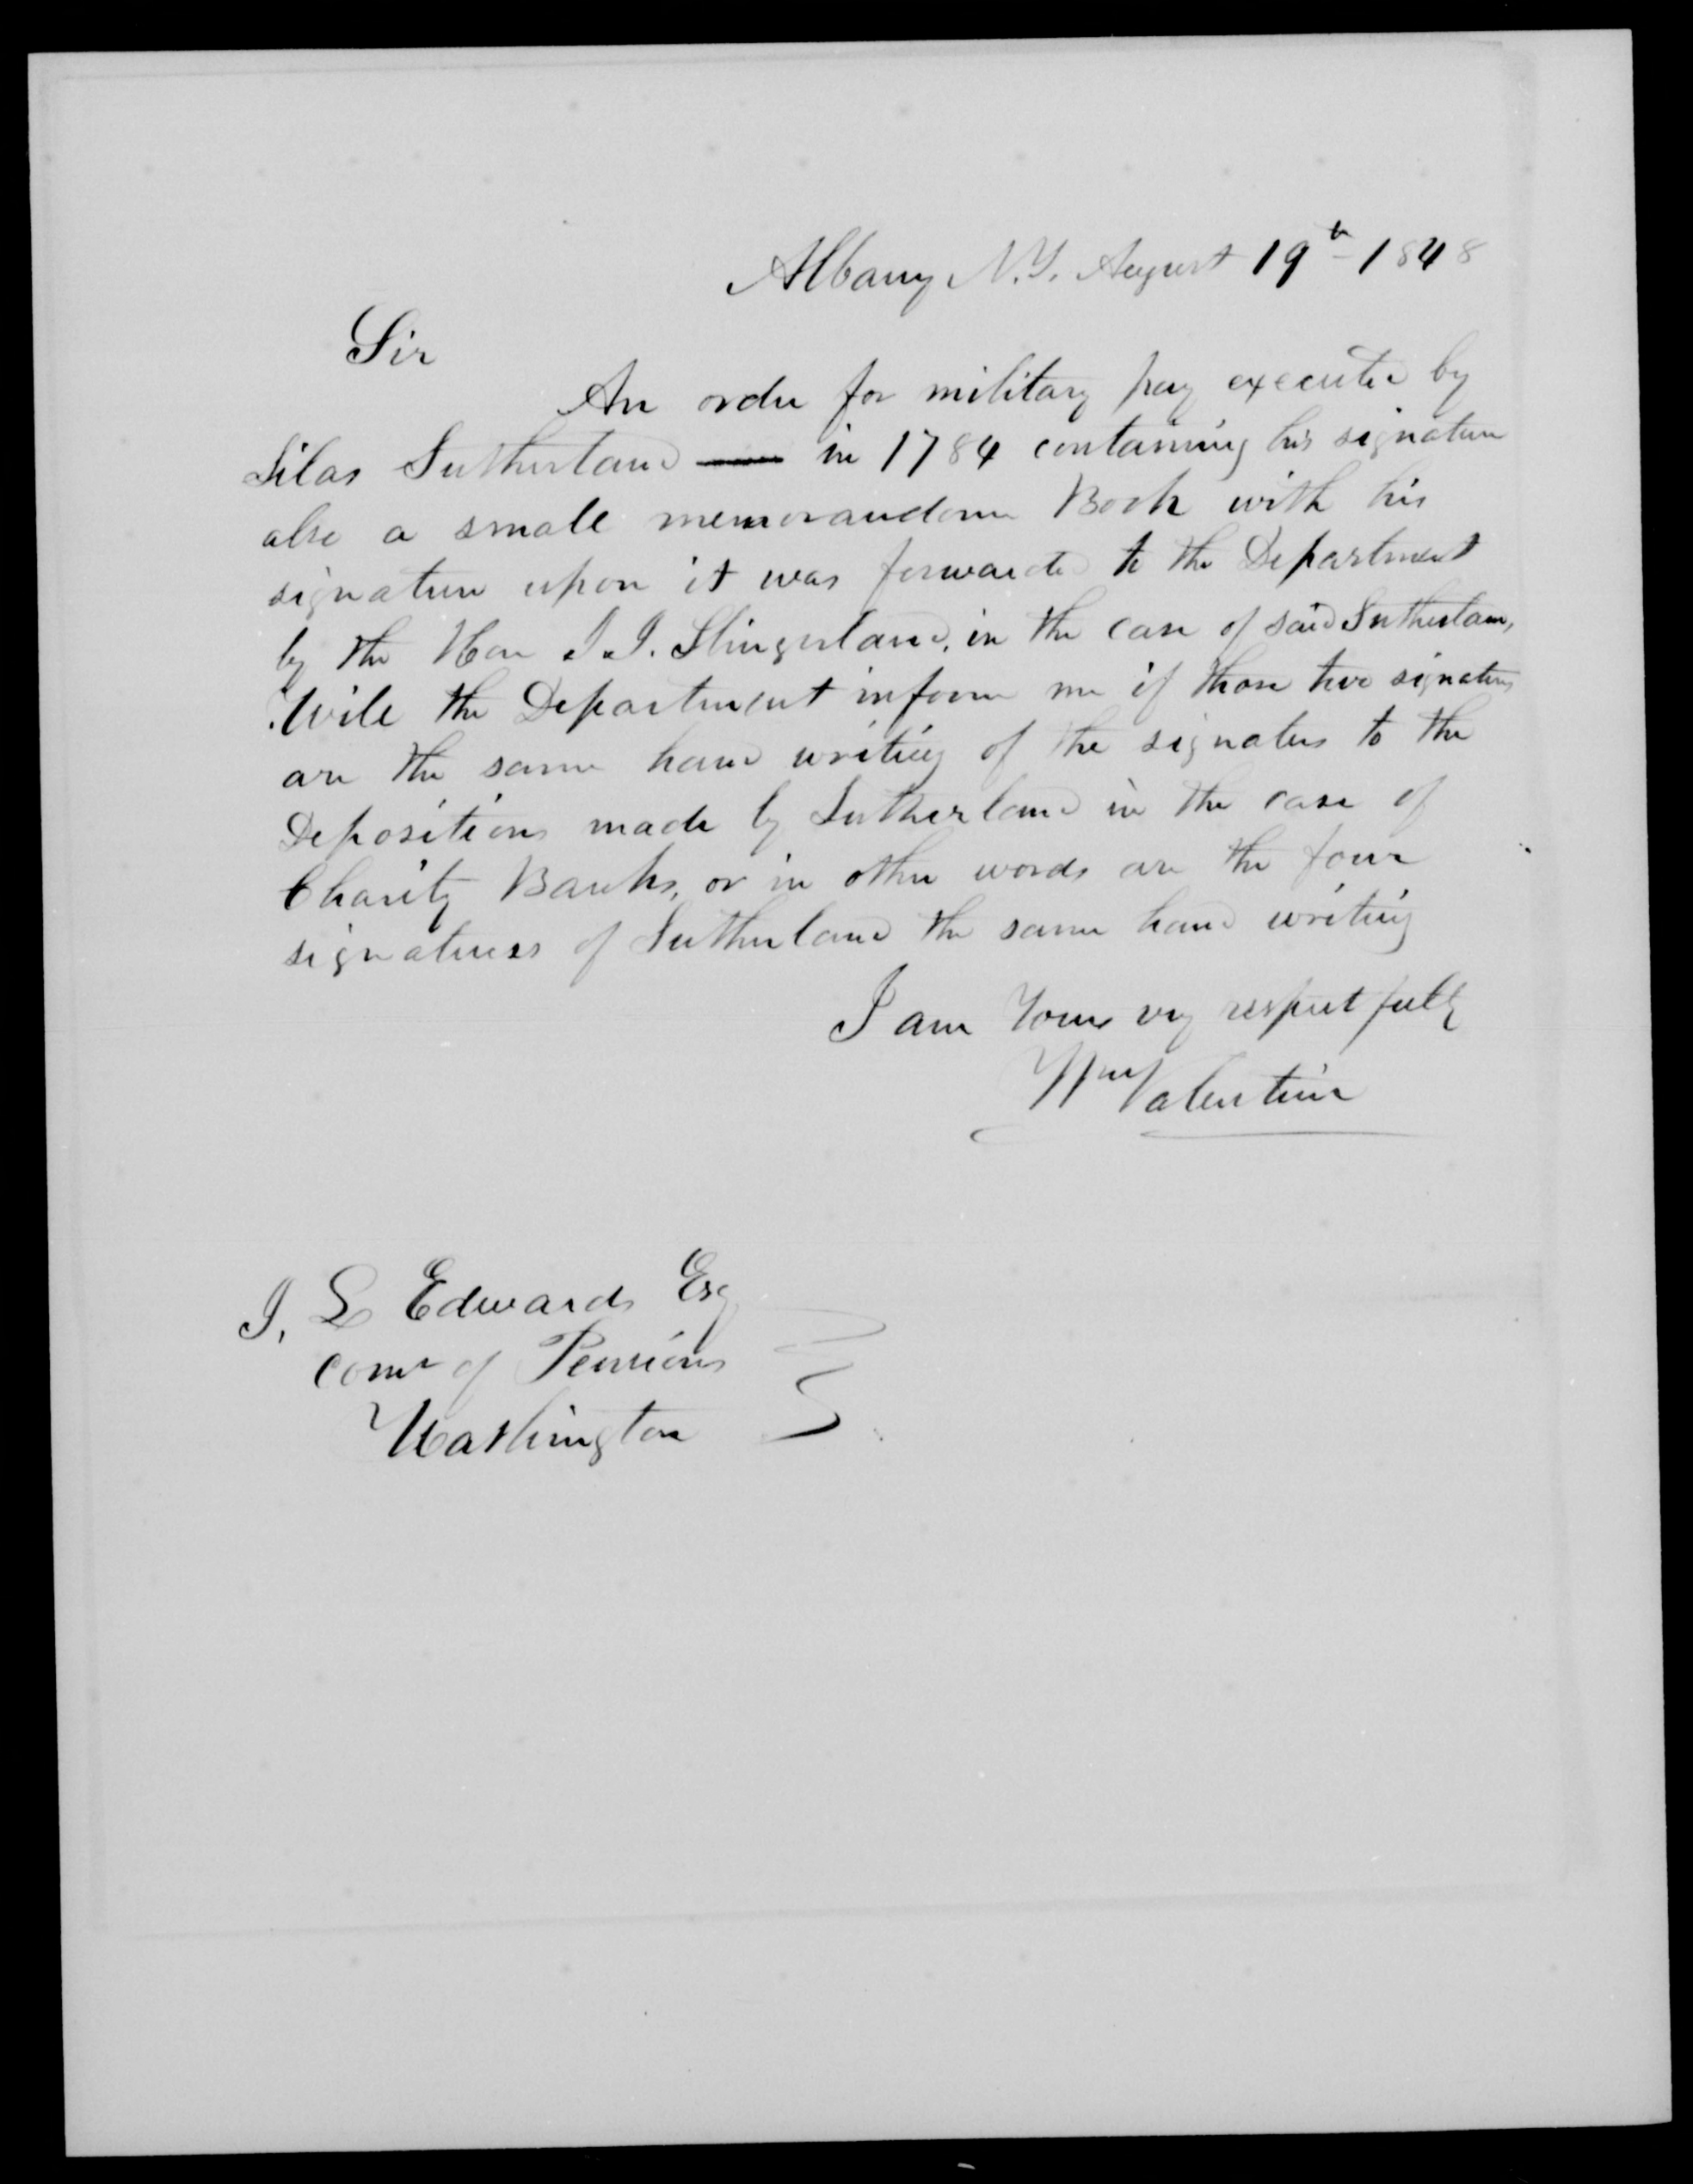Albany N.Y. August 19th 1848
Sir
  An order for military pay executed by Silas Sutherland - in 1784 containing his signature also a small memorandum Book with his signature upon it was forwarded to the Department by the Hon J.J. Slingerland in the case of said Sutherland, Will the Department inform me if those two signatures are the same hand writing of the signature to the Deposition made by Sutherland in the case of Charity Banks, or in other words are the four signatures of Sutherland the same hand writing
  I am Yours very respectfully
  Wm Valentine

J.L. Edwards Esq
Comr of Pensions
Washington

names: J L Edwards; J J Slingerland; [BLANK] Sutherland; Wm Valentine; [BLANK] Sutherland; Silas Sutherland; [BLANK] Sutherland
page: 63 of 77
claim: survivor's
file: S. 23003, for Silas Southerland, New York